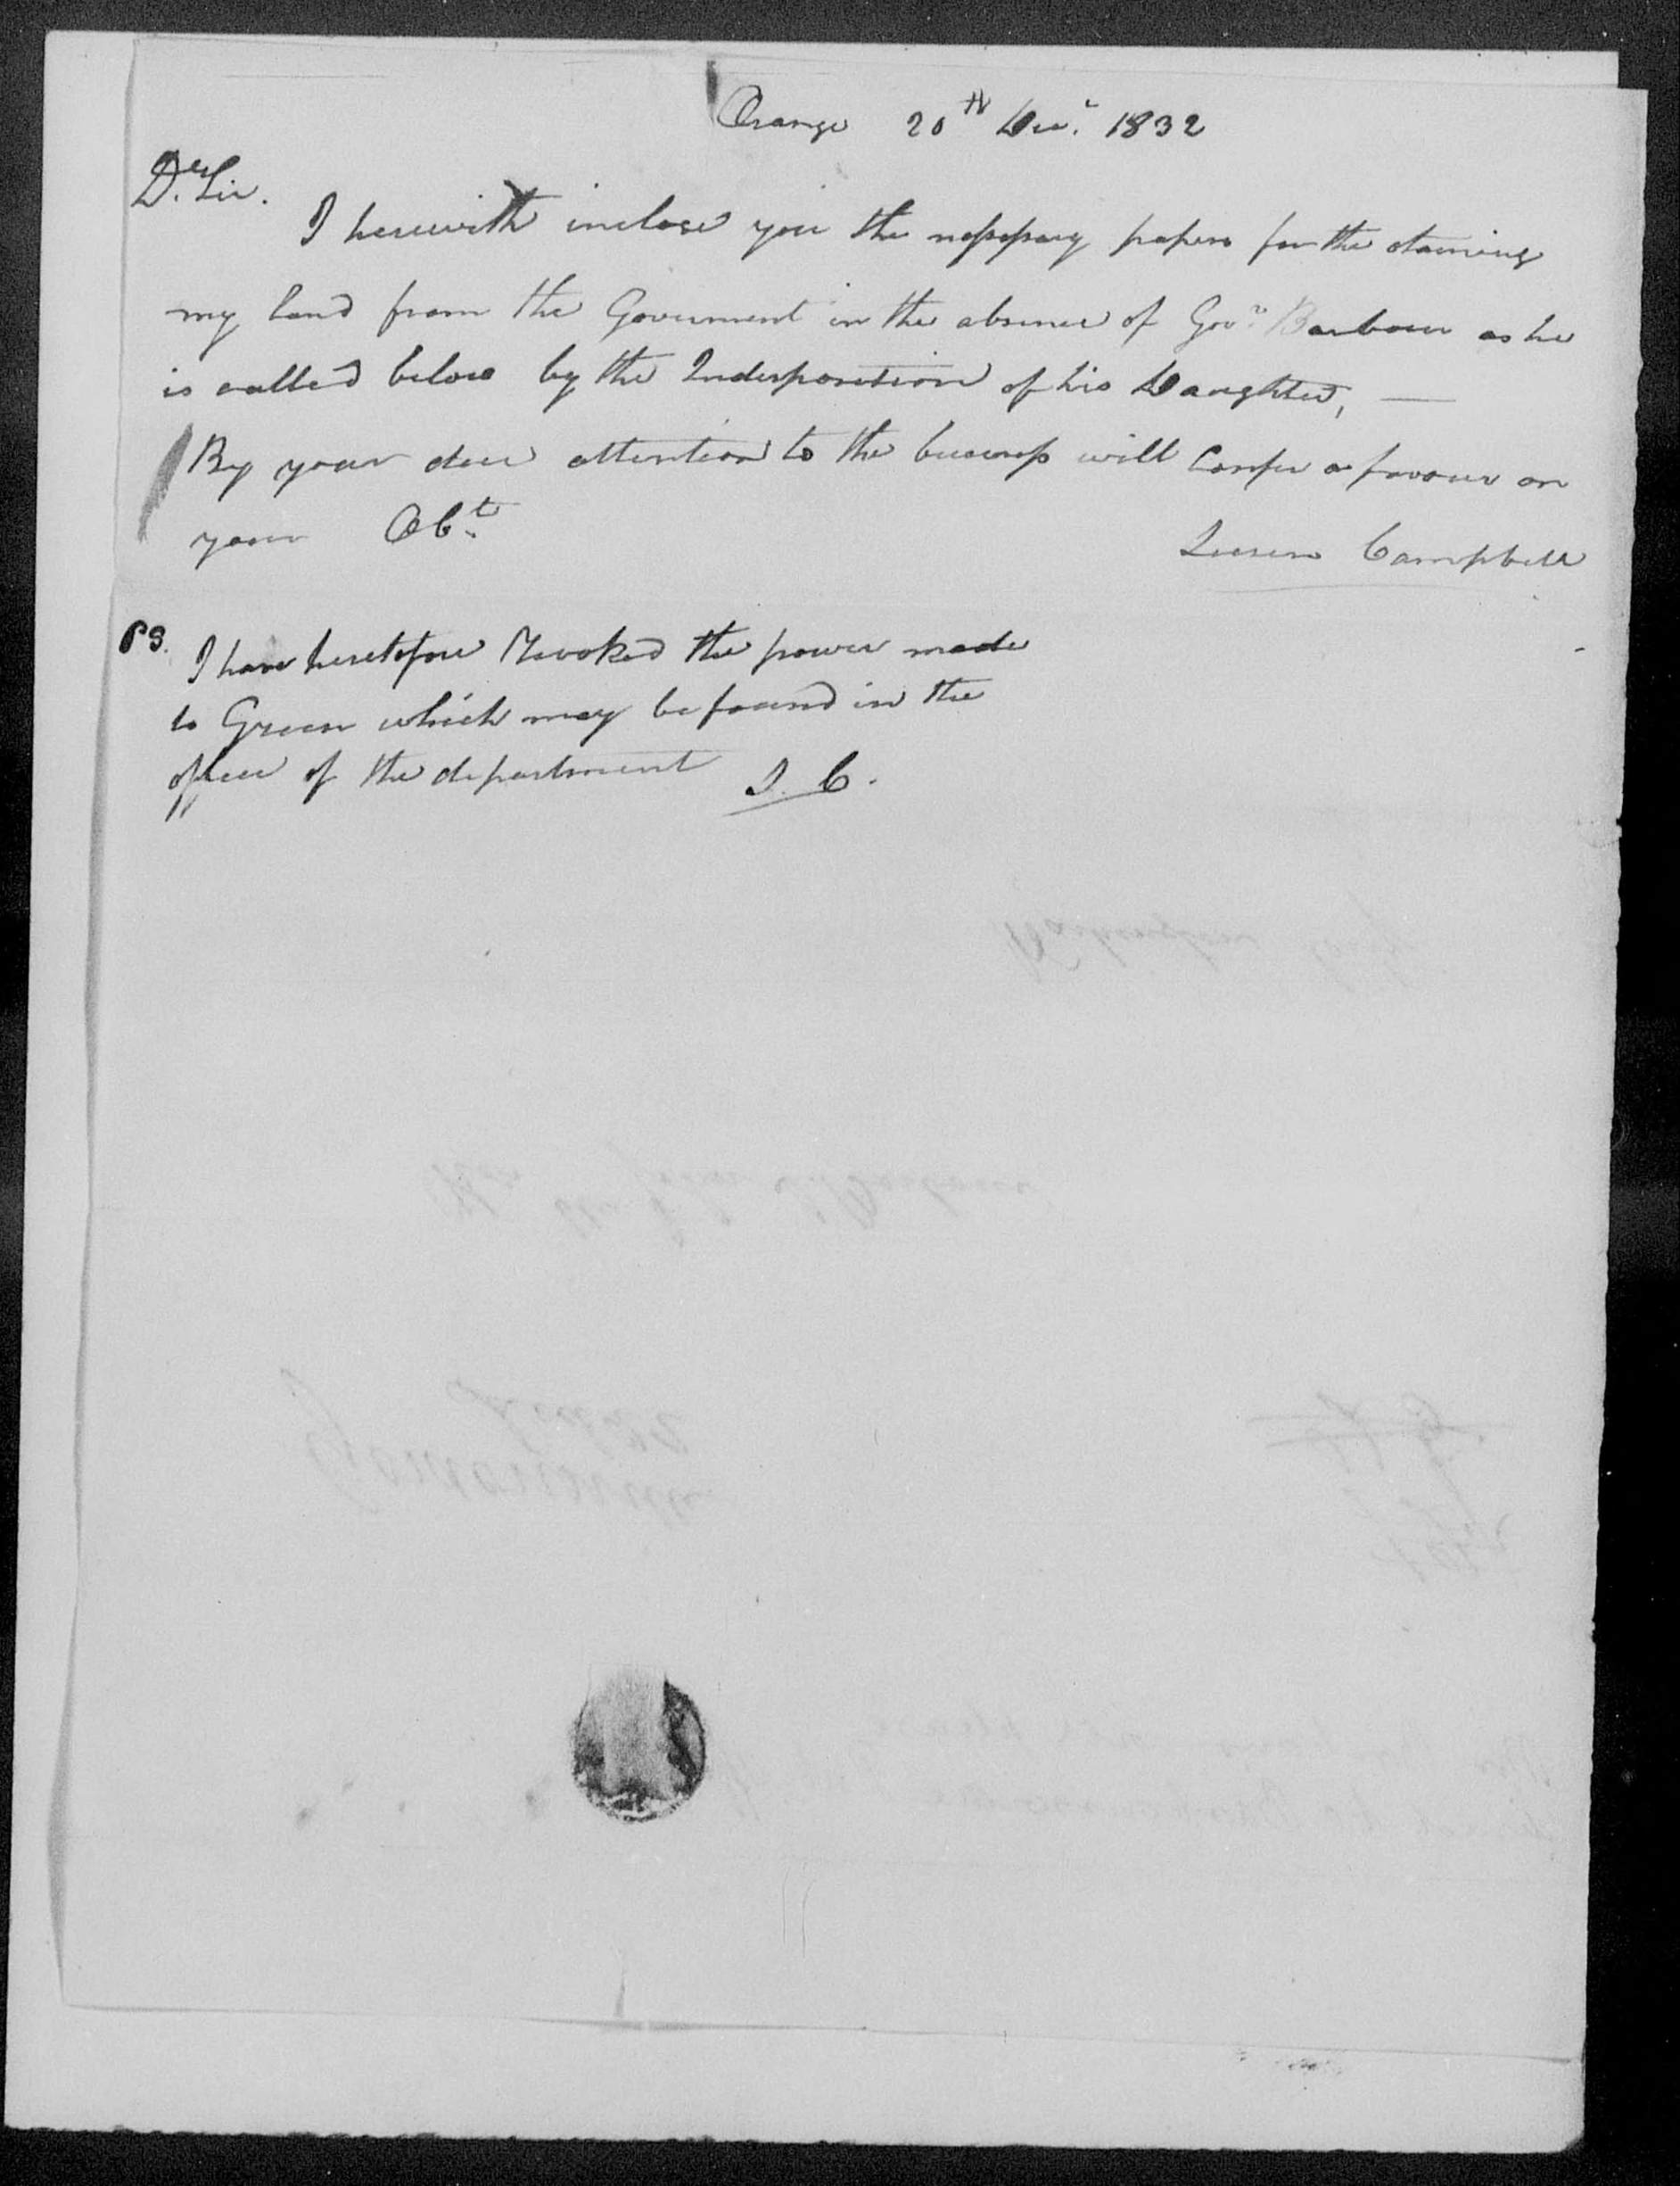Orange 20th Decr. 1832

Dr. Sir.
I herewith inclose you the nessessary papers for the obtaining my land from the Goverment in the absence of Govr. Barbour as he is called below by the Indisposition of his Daughter, ___  
By your close attention to the business will Confer a favour on
Your Obt.
Susan Campbell

PS.  I have heretofore Revoked the power made to Graves which may be found in the office of the department
S. C.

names: Susan Campbell, Barbour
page: 98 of 267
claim: widow's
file: W. 4,149, William Campbell, Va.